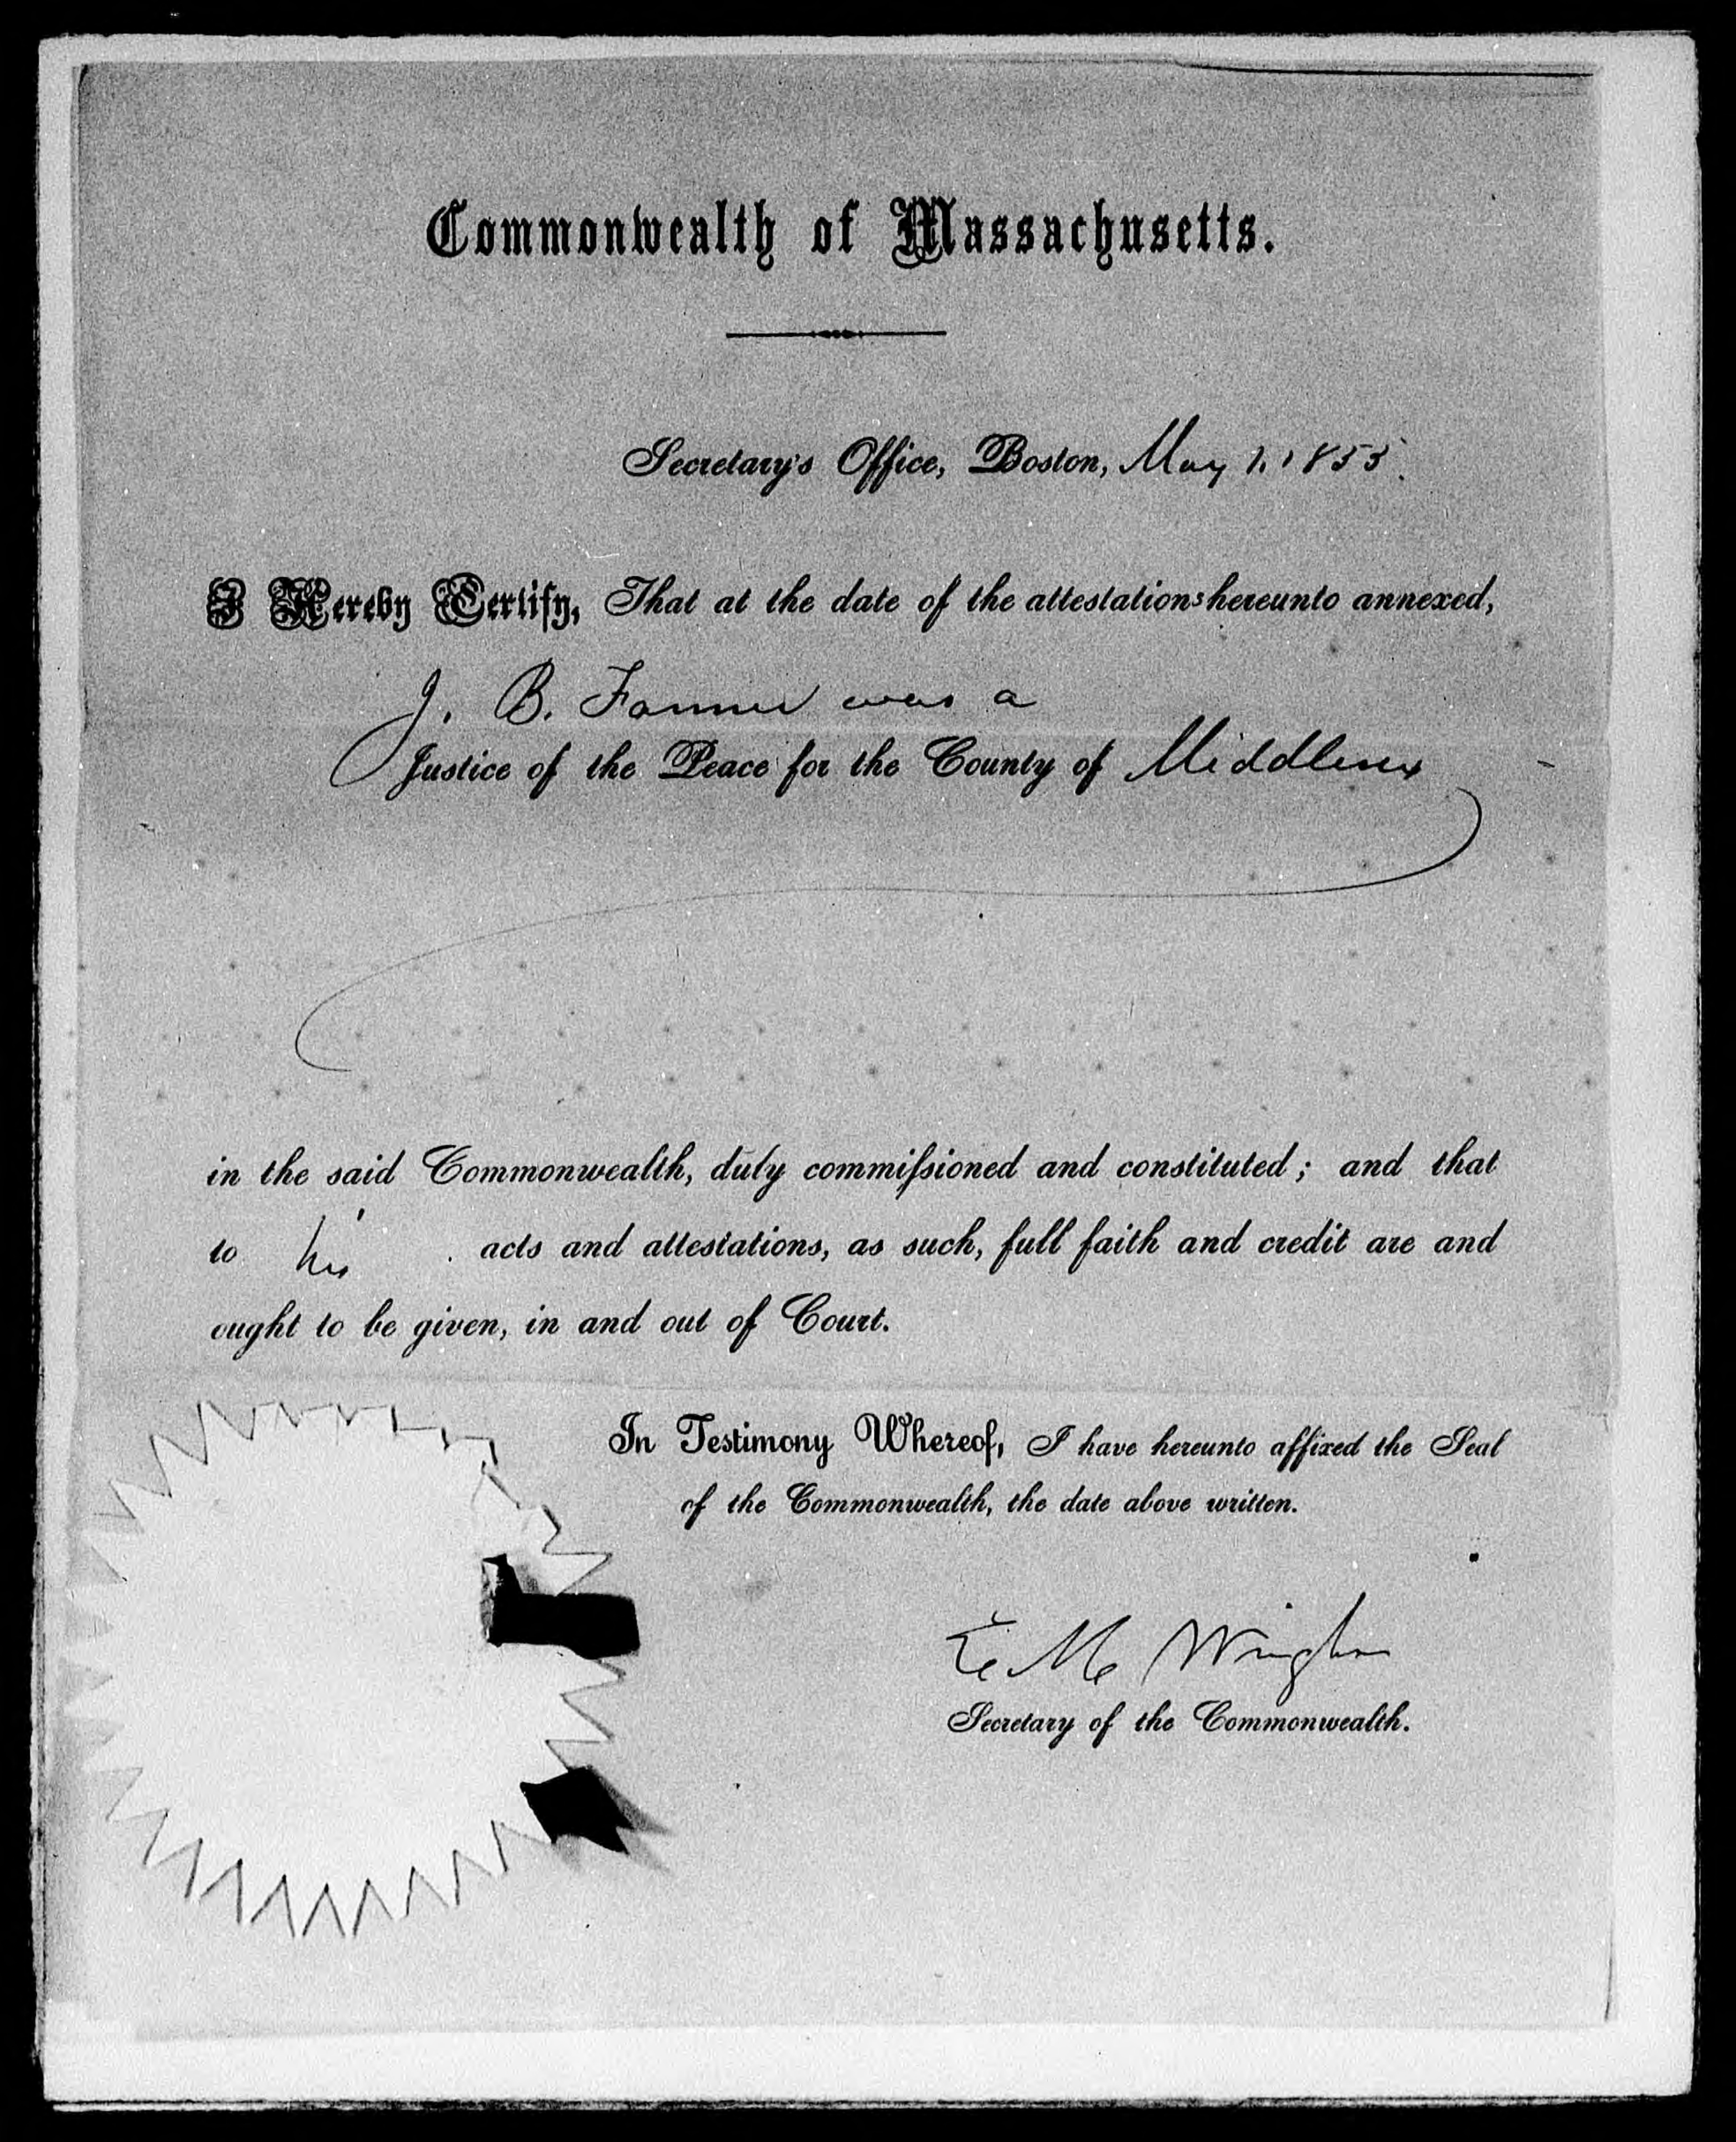Commonwealth of Massachusetts
Secretary Office, Boston, May 7, 1853
I hereby certify that at the date of the attestation, hereunto annexed, J. B. Farmer was a Justice of the Peace for the County of Middlesex. 
in the said Commonwealth, duly commissioned and constituted; and that to his acts and attestations, as such, full faith and credit are and ought to be give in and out of court. 
In testimony whereof, I have hereunto affixed the seal of the commonwealth, the date above written
E. M. Wright
Secretary of the Commonwealth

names: J B Farmer, L M Wright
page: 38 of 47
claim: widow's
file: W. 7,302, John Foster, Continental Mass. R.I.